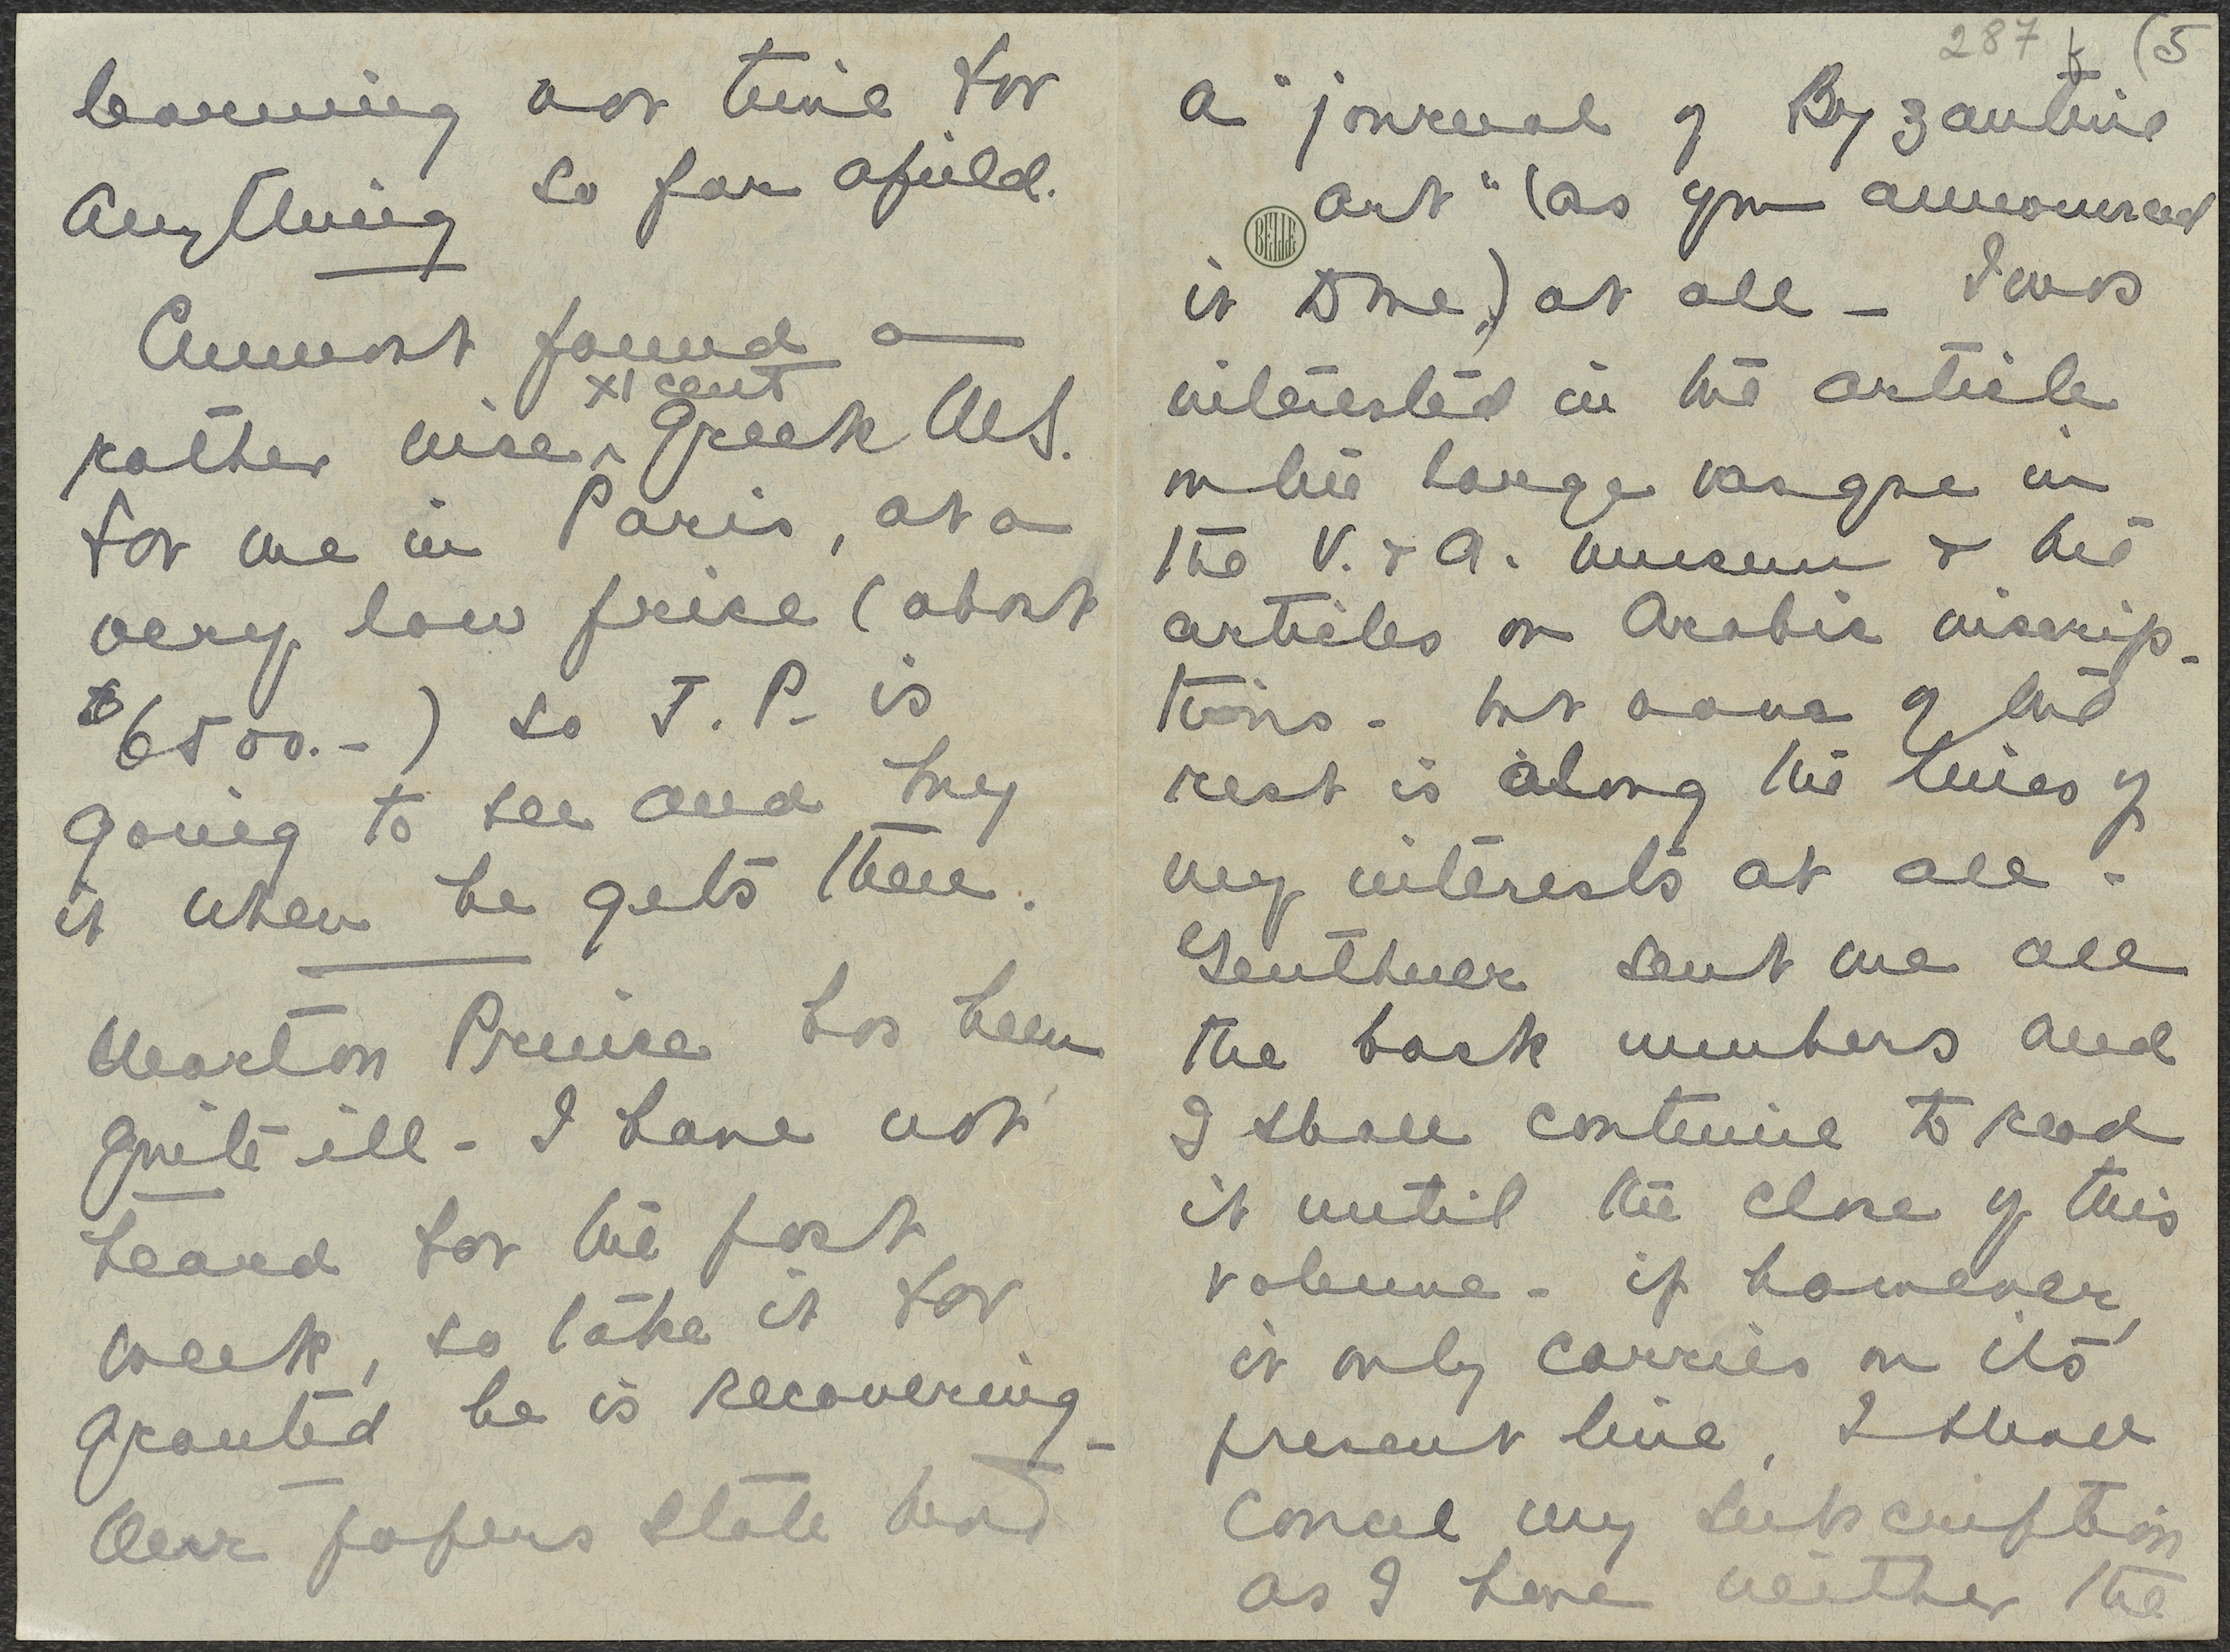a “Journal of Byzantine Art” (as you announced it to me) at all – I was interested in the article on the large casque in the V.&A. Museum & the articles on Arabic inscriptions – but none of the rest is along the lines of my interests at all – Genthner sent me all the back numbers and I shall continue to read it until the close of this volume – if however, it only carries on its present line, I shall cancel my subscription as I have neither the
learning nor time for anything so far afield.
Omont found a rather nice [^XI Cent^] Greek MS. for me in Paris, at a very low price (about $6500. –) so J.P. is going to see and buy it when he gets there.
Marten Prince has been quite ill – I have not heard for the past week, so take it for granted he is recovering – Our papers state that